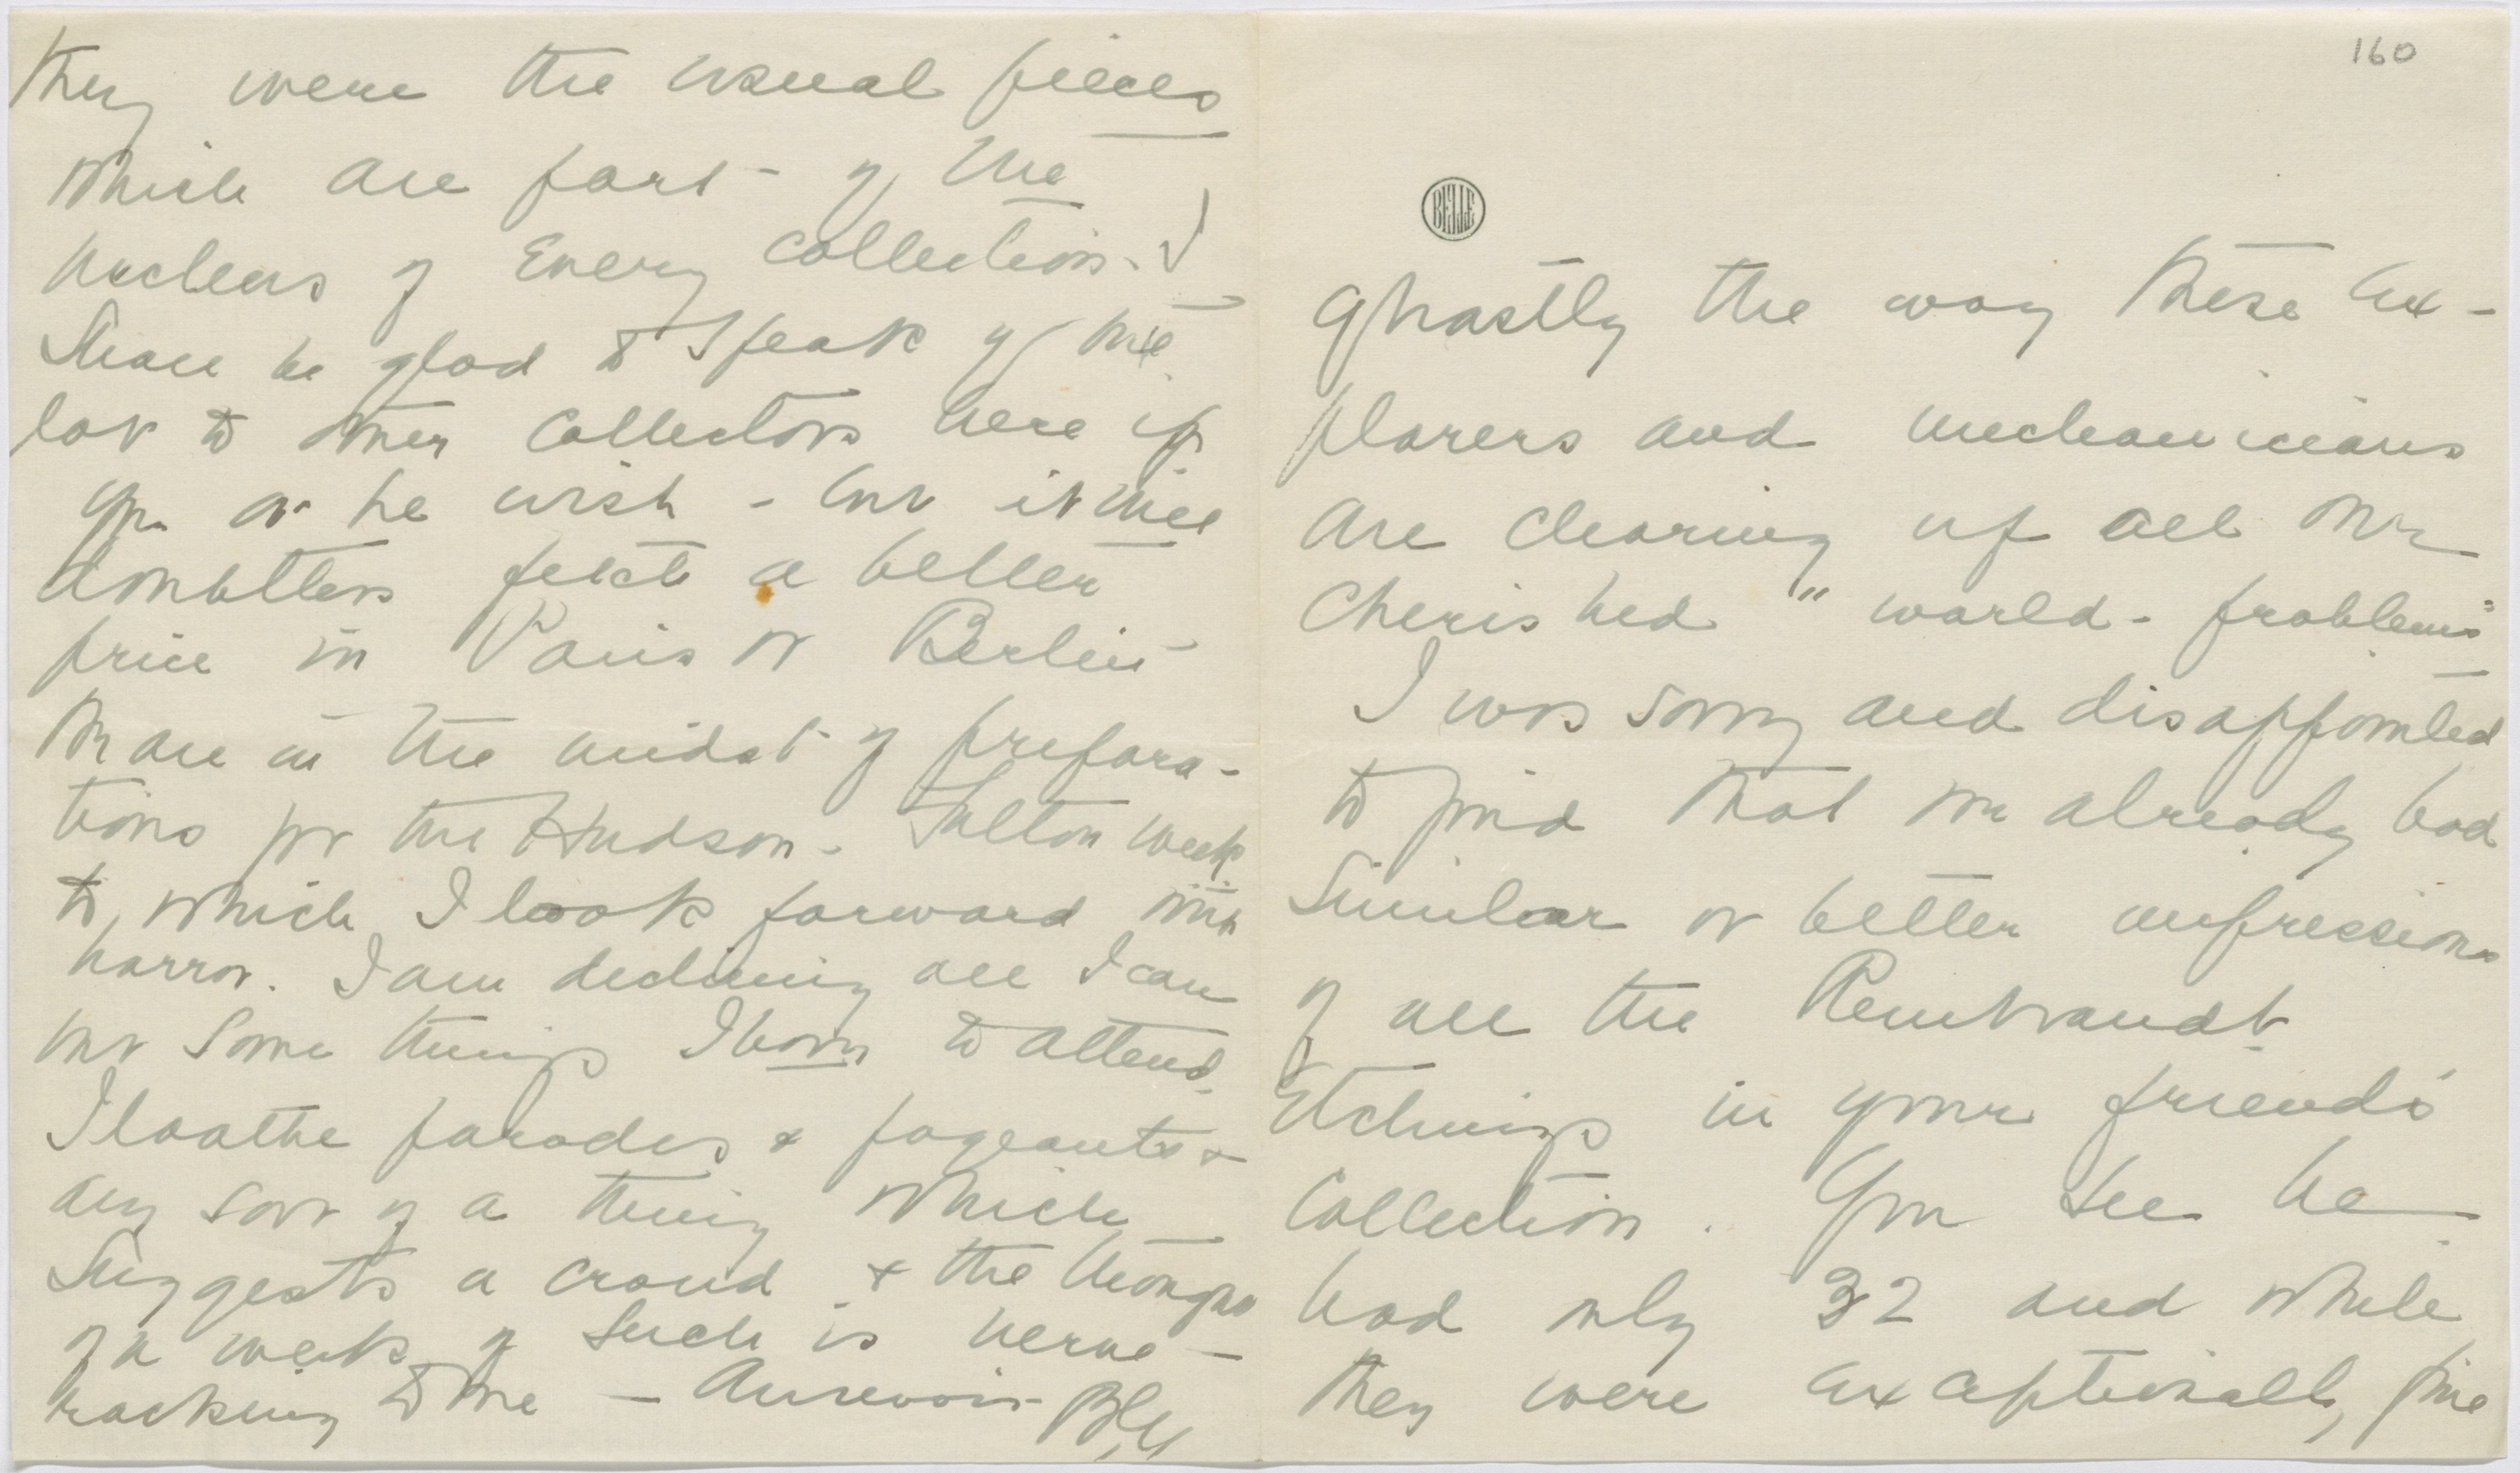ghastly the way these explorers and mechanicians are clearing up all our cherished “world-problems”
I was sorry and disappointed to find that we already had similar or better impressions of all the Rembrandt etchings in your friend’s collection. You see he had only 32 and while they were exceptionally fine
they were the usual pieces which are part of the nucleus of every collection. I shall be glad to speak of the lot to other collectors here if you or he wish – but it will doubtless fetch a better price in Paris or Berlin –
We are in the midst of preparations for the Hudson-Fulton week to which I look forward with horror. I am declining all I can but some things I have to attend. I loathe parades & pageants & any sort of a thing which suggests a crowd & the thought of a week of such is nerve-racking to me – Aurevoir [sic] – B.G.